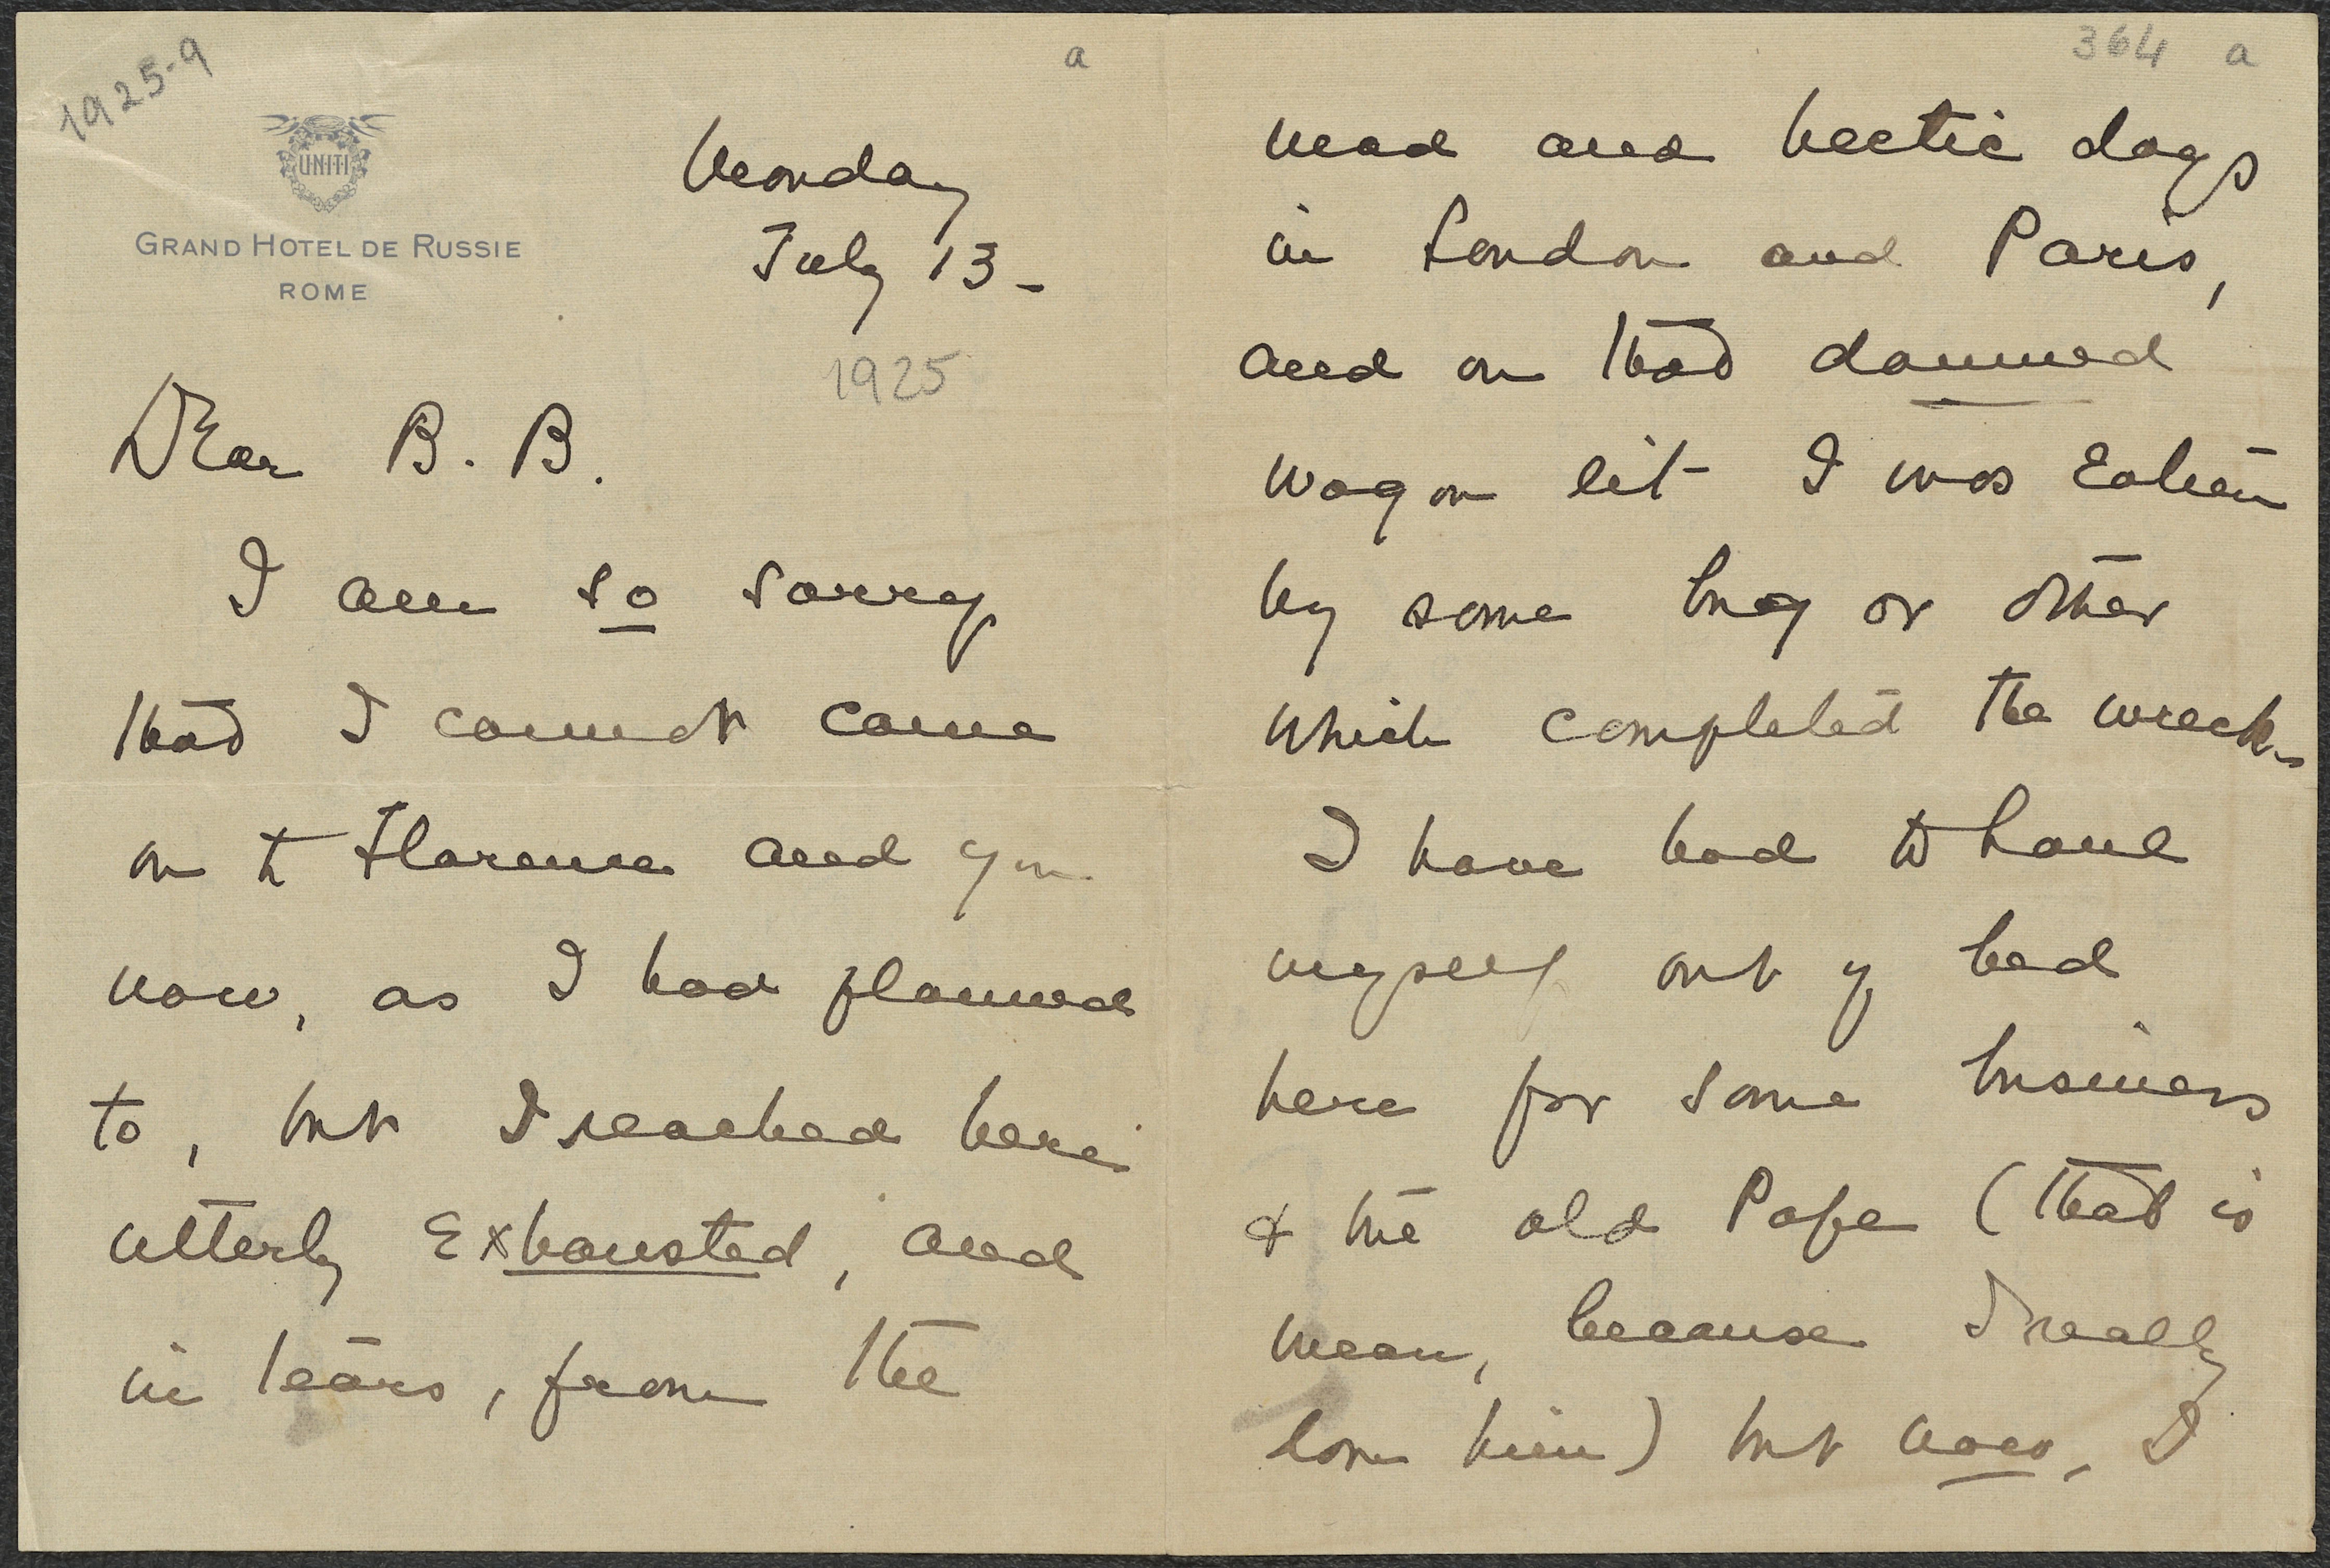Monday
July 13 –
Dear B.B.
I am so sorry that I cannot come on to Florence and you now, as I had planned to, but I reached here utterly exhausted, and in tears, from the
mad and hectic days in London and Paris, and on that dammed wagon lit I was eaten by some bug or other which completed the wreck. I have had to have myself out of bed here for some business & the old Pope (that is mean, because I really love him) but now, I